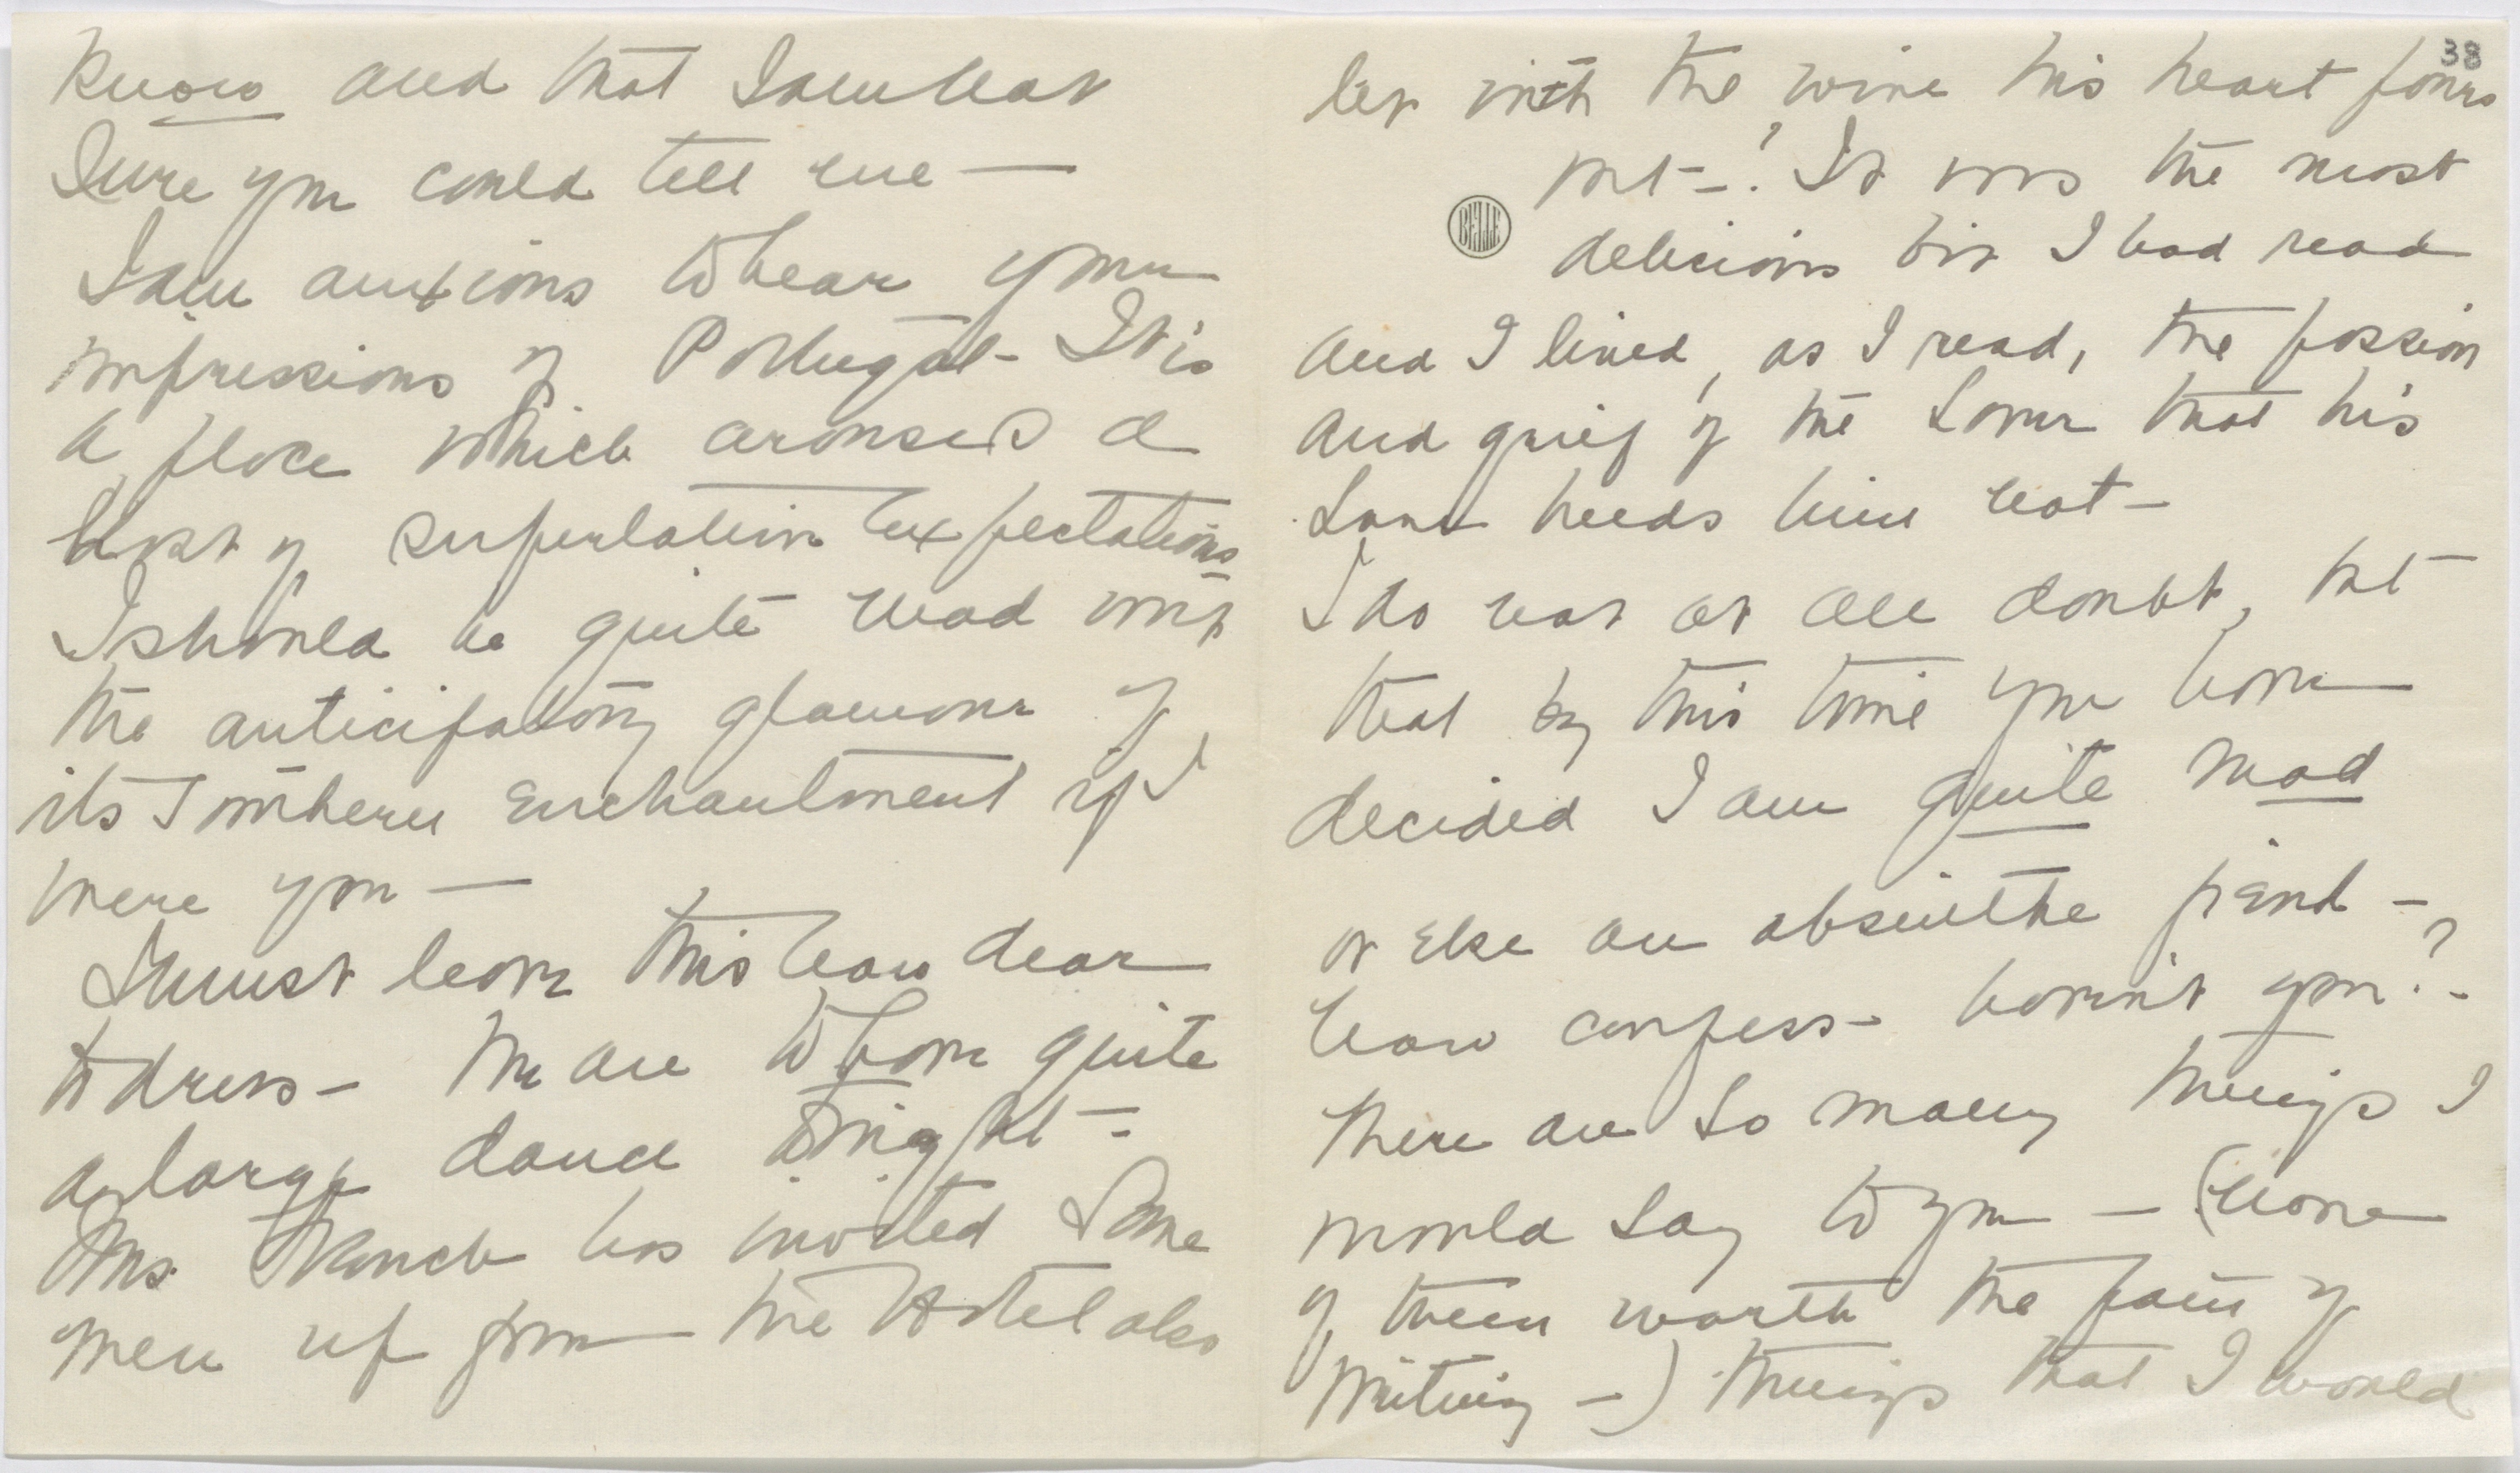with the wine his heart pours out – ? It was the most delicious bit I had read and I lived, as I read, the passion and grief of the lover that his love heeds him not –
I do not at all doubt, but that by this time you have decided I am quite mad or else an absinthe fiend – Now confess – haven’t you? – There are so many things I would say to you – (none of them worth the pain of writing – ) things that I would
know and that I am not sure you could tell me –
I am anxious to hear your impressions of Portugal – it is a place which arouses a burst of superlative expectations I should be quite mad with the anticipatory glamour of its Southern enchantment if I were you –
I must leave this now dear to dress – we are to have quite a large dance tonight – Mrs. French has invited some men up from the Hotel also